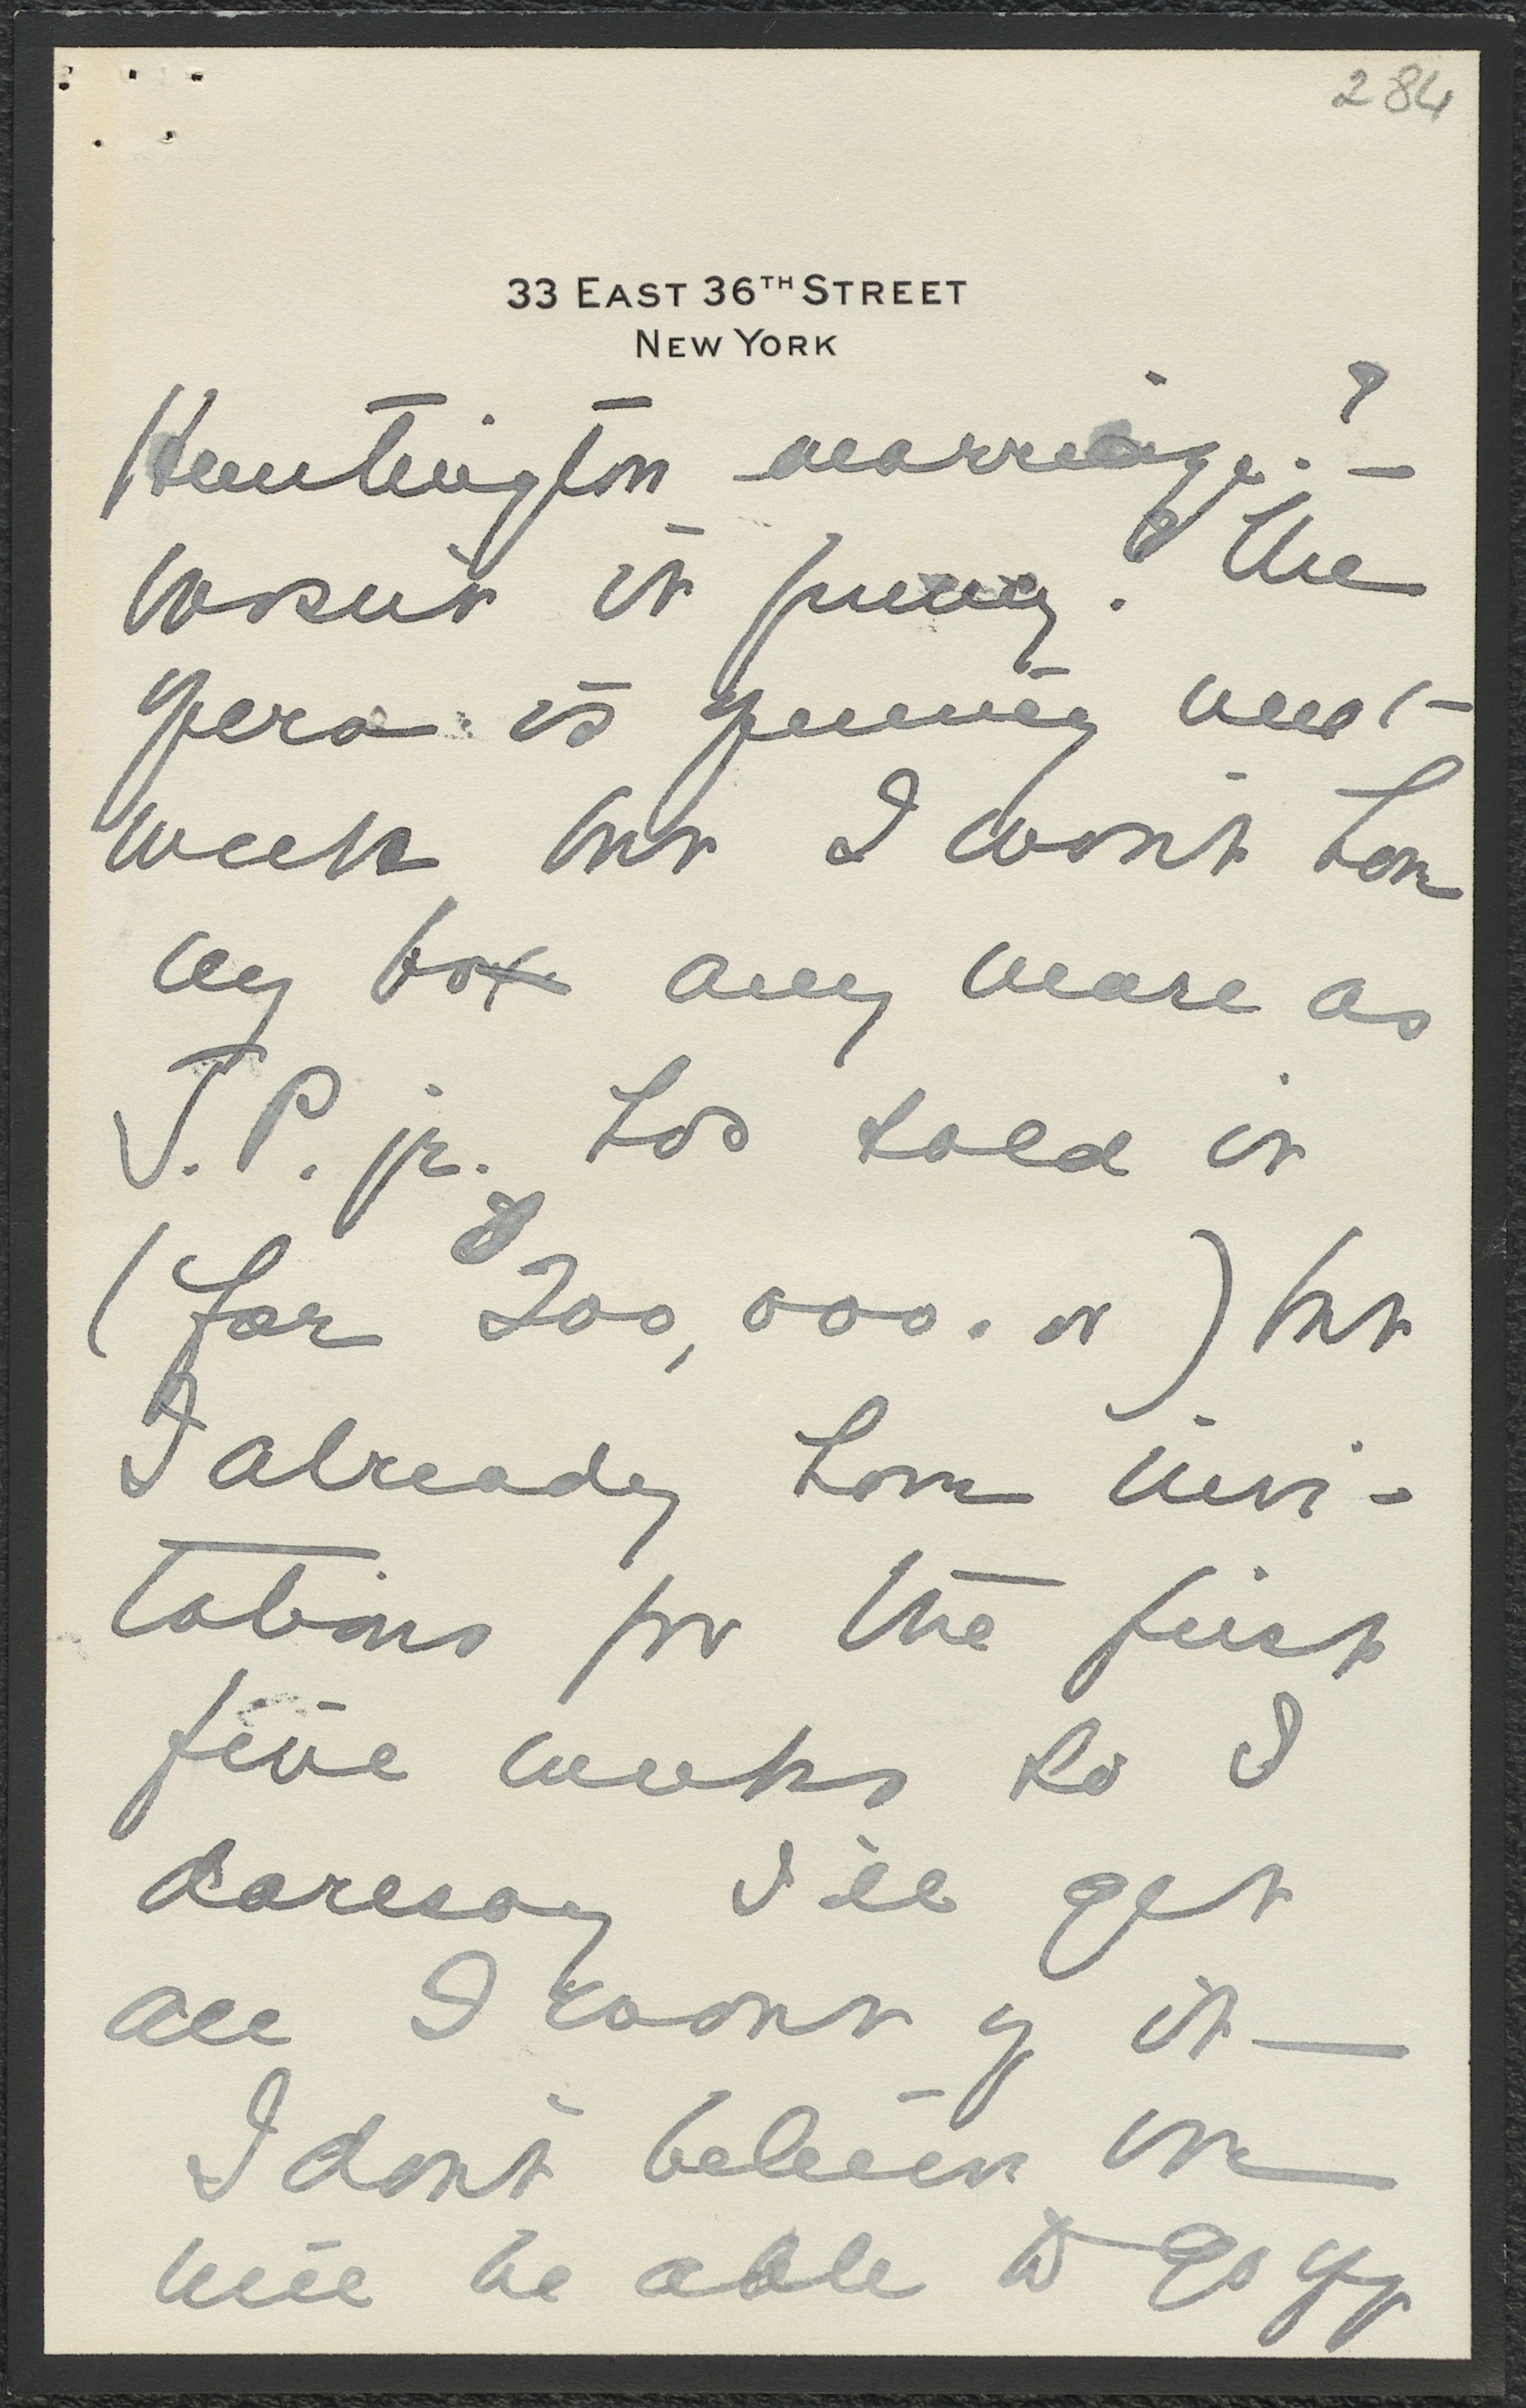Huntington marriage? – Wasn’t it funny? The opera is opening next week but I won’t have my box any more as J. P. jr. has sold it (for $200,000.00) but I already have invitations for the first five weeks so I daresay I’ll get all I want of it –
I don’t believe we will be able to go off